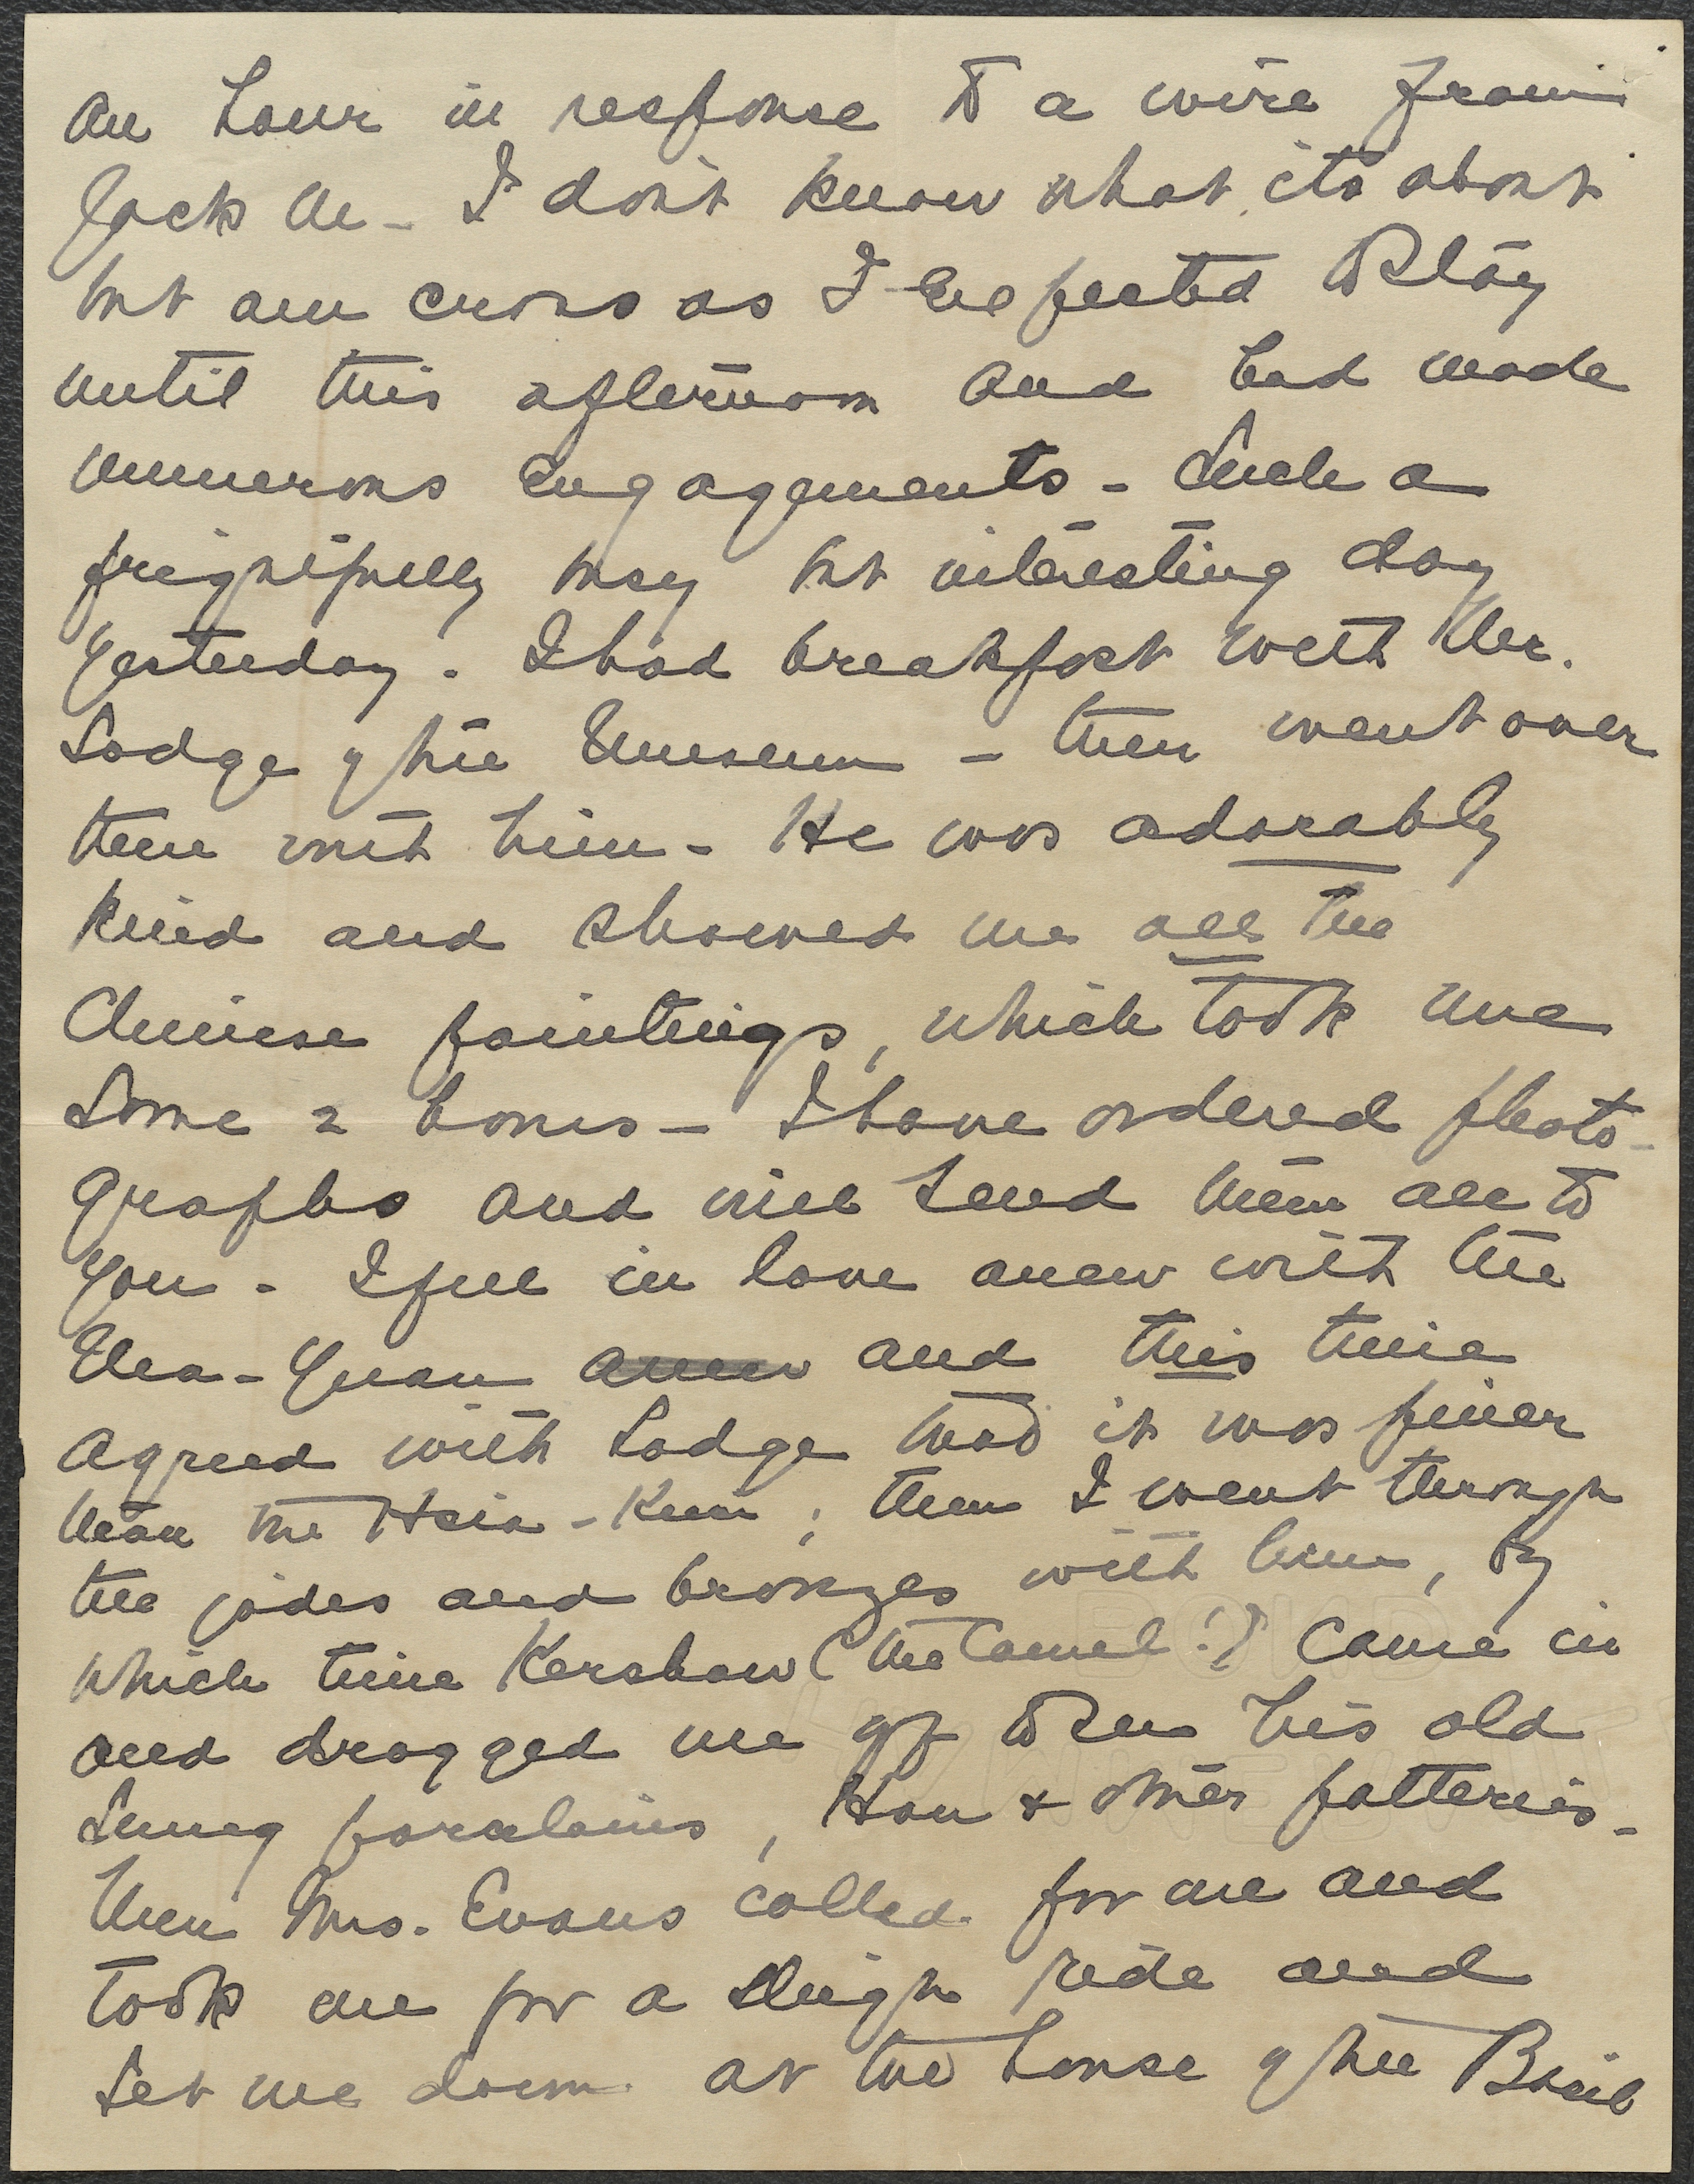an hour in response to a wire from Jack M. – I don’t know what it’s about but am cross as I expected to stay until this afternoon and had made numerous engagements – such a frightfully busy but interesting day yesterday. I had breakfast with Mr. Lodge of the museum – then went over there with him – He was adorably kind and showed me all the Chinese paintings, which took me some 2 hours – I have ordered photographs and will send them all to you – I fell in love anew with the Huan-Yuan anew and this time agreed with Lodge that it was finer than the Hsia-Kuan; then I went through the jades and bronzes with him, by which time Kershaw (the Camel!) came in and dragged me off to see his old Sung porcelains, Han & other potteries – then Mrs. Evans called for me and took me for a sleigh ride and set me down at the house of the Basil